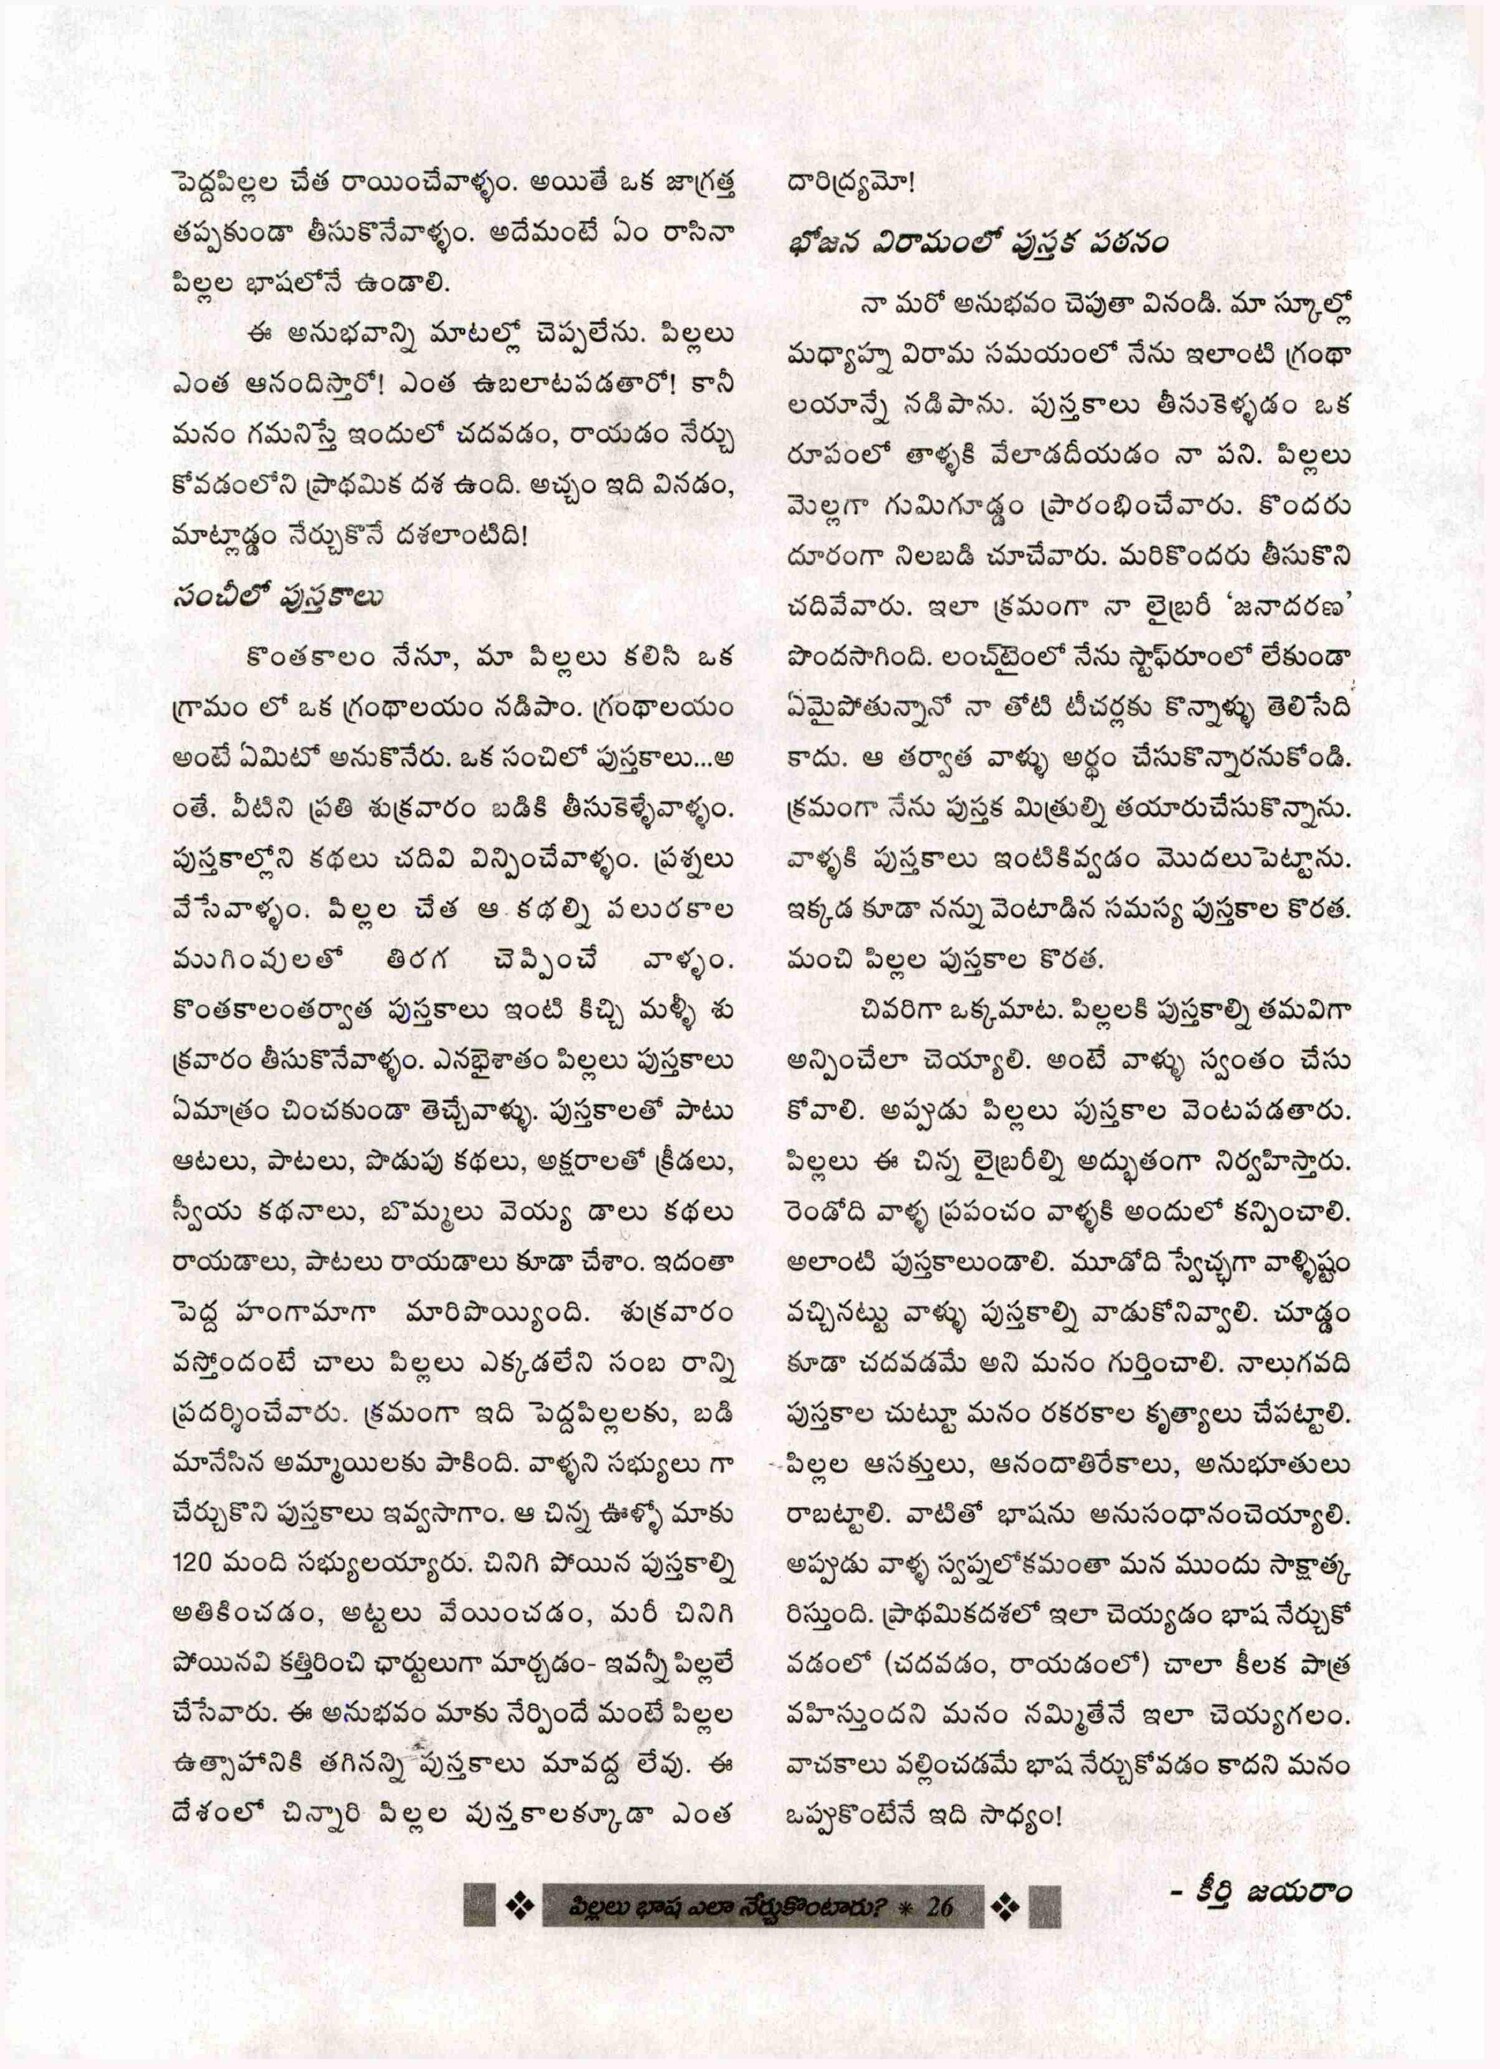పెద్దపిల్లల చేత రాయించేవాళ్ళం. అయితే ఒక జాగ్రత్త తప్పకుండా తీసుకొనేవాళ్ళం. అదేమంటే ఏం రాసినా పిల్లల భాషలోనే ఉండాలి.

ఈ అనుభవాన్ని మాటల్లో చెప్పలేను. పిల్లలు ఎంత ఆనందిస్తారో! ఎంత ఉబలాటపడతారో! కానీ మనం గమనిస్తే ఇందులో చదవడం, రాయడం నేర్చుకోవడంలోని ప్రాథమిక దశ ఉంది. అచ్చం ఇది వినడం, మాట్లాడ్డం నేర్చుకొనే దశలాంటిది!

సంచీలో పుస్తకాలు

కొంతకాలం నేనూ, మా పిల్లలు కలిసి ఒక గ్రామం లో ఒక గ్రంథాలయం నడిపాం. గ్రంథాలయం అంటే ఏమిటో అనుకొనేరు. ఒక సంచిలో పుస్తకాలు... అంతే. వీటిని ప్రతి శుక్రవారం బడికి తీసుకెళ్ళేవాళ్ళం. పుస్తకాల్లోని కథలు చదివి విన్పించేవాళ్ళం. ప్రశ్నలు వేసేవాళ్ళం. పిల్లల చేత ఆ కథల్ని పలురకాల ముగింపులతో తిరగ చెప్పించే వాళ్ళం.
కొంతకాలంతర్వాత పుస్తకాలు ఇంటి కిచ్చి మళ్ళీ శుక్రవారం తీసుకొనేవాళ్ళం. ఎనభైశాతం పిల్లలు పుస్తకాలు ఏమాత్రం చించకుండా తెచ్చేవాళ్ళు. పుస్తకాలతో పాటు ఆటలు, పాటలు, పొడుపు కథలు, అక్షరాలతో క్రీడలు, స్వీయ కథనాలు, బొమ్మలు వెయ్య డాలు కథలు రాయడాలు, పాటలు రాయడాలు కూడా చేశాం. ఇదంతా పెద్ద హంగామాగా మారిపొయ్యింది. శుక్రవారం వస్తోందంటే చాలు పిల్లలు ఎక్కడలేని సంబ రాన్ని ప్రదర్శించేవారు. క్రమంగా ఇది పెద్దపిల్లలకు, బడిమానేసిన అమ్మాయిలకు పాకింది. వాళ్ళని సభ్యులు గా చేర్చుకొని పుస్తకాలు ఇవ్వసాగాం. ఆ చిన్న ఊళ్ళో మాకు 120 మంది సభ్యులయ్యారు. చినిగి పోయిన పుస్తకాల్ని అతికించడం, అట్టలు వేయించడం, మరీ చినిగి
పోయినవి కత్తిరించి ఛార్టులుగా మార్చడం - ఇవన్నీ పిల్లలే చేసేవారు. ఈ అనుభవం మాకు నేర్పిందే మంటే పిల్లల
ఉత్సాహానికి తగినన్ని పుస్తకాలు మావద్ద లేవు. ఈ దేశంలో చిన్నారి పిల్లల పుస్తకాలక్కూడా ఎంత దారిద్ర్యమో!

భోజన విరామంలో పుస్తక పఠనం

నా మరో అనుభవం చెపుతా వినండి. మా స్కూల్లో మధ్యాహ్న విరామ సమయంలో నేను ఇలాంటి గ్రంథాలయాన్నే నడిపాను. పుస్తకాలు తీసుకెళ్ళడం ఒక రూపంలో తాళ్ళకి వేలాడదీయడం నా పని. పిల్లలు మెల్లగా గుమిగూడ్డం ప్రారంభించేవారు. కొందరు దూరంగా నిలబడి చూచేవారు. మరికొందరు తీసుకొని చదివేవారు. ఇలా క్రమంగా నా లైబ్రరీ 'జనాదరణ' పొందసాగింది. లంచ్‌టైంలో నేను స్టాఫ్‌రూంలో లేకుండా ఏమైపోతున్నానో నా తోటి టీచర్లకు కొన్నాళ్ళు తెలిసేది కాదు. ఆ తర్వాత వాళ్ళు అర్థం చేసుకొన్నారనుకోండి. క్రమంగా నేను పుస్తక మిత్రుల్ని తయారుచేసుకొన్నాను. వాళ్ళకి పుస్తకాలు ఇంటికివ్వడం మొదలుపెట్టాను. ఇక్కడ కూడా నన్ను వెంటాడిన సమస్య పుస్తకాల కొరత. మంచి పిల్లల పుస్తకాల కొరత.

చివరిగా ఒక్కమాట. పిల్లలకి పుస్తకాల్ని తమవిగా అన్పించేలా చెయ్యాలి. అంటే వాళ్ళు స్వంతం చేసుకోవాలి. అప్పుడు పిల్లలు పుస్తకాల వెంటపడతారు. పిల్లలు ఈ చిన్న లైబ్రరీల్ని అద్భుతంగా నిర్వహిస్తారు. రెండోది వాళ్ళ ప్రపంచం వాళ్ళకి అందులో కన్పించాలి. అలాంటి పుస్తకాలుండాలి. మూడోది స్వేచ్ఛగా వాళ్ళిష్టం వచ్చినట్టు వాళ్ళు పుస్తకాల్ని వాడుకోనివ్వాలి. చూడ్డం కూడా చదవడమే అని మనం గుర్తించాలి. నాలుగవది పుస్తకాల చుట్టూ మనం రకరకాల కృత్యాలు చేపట్టాలి. పిల్లల ఆసక్తులు, ఆనందాతిరేకాలు, అనుభూతులు రాబట్టాలి. వాటితో భాషను అనుసంధానంచెయ్యాలి. అప్పుడు వాళ్ళ స్వప్నలోకమంతా మన ముందు సాక్షాత్కరిస్తుంది. ప్రాథమికదశలో ఇలా చెయ్యడం భాష నేర్చుకోవడంలో (చదవడం, రాయడంలో) చాలా కీలక పాత్ర వహిస్తుందని మనం నమ్మితేనే ఇలా చెయ్యగలం. వాచకాలు వల్లించడమే భాష నేర్చుకోవడం కాదని మనం ఒప్పుకొంటేనే ఇది సాధ్యం!